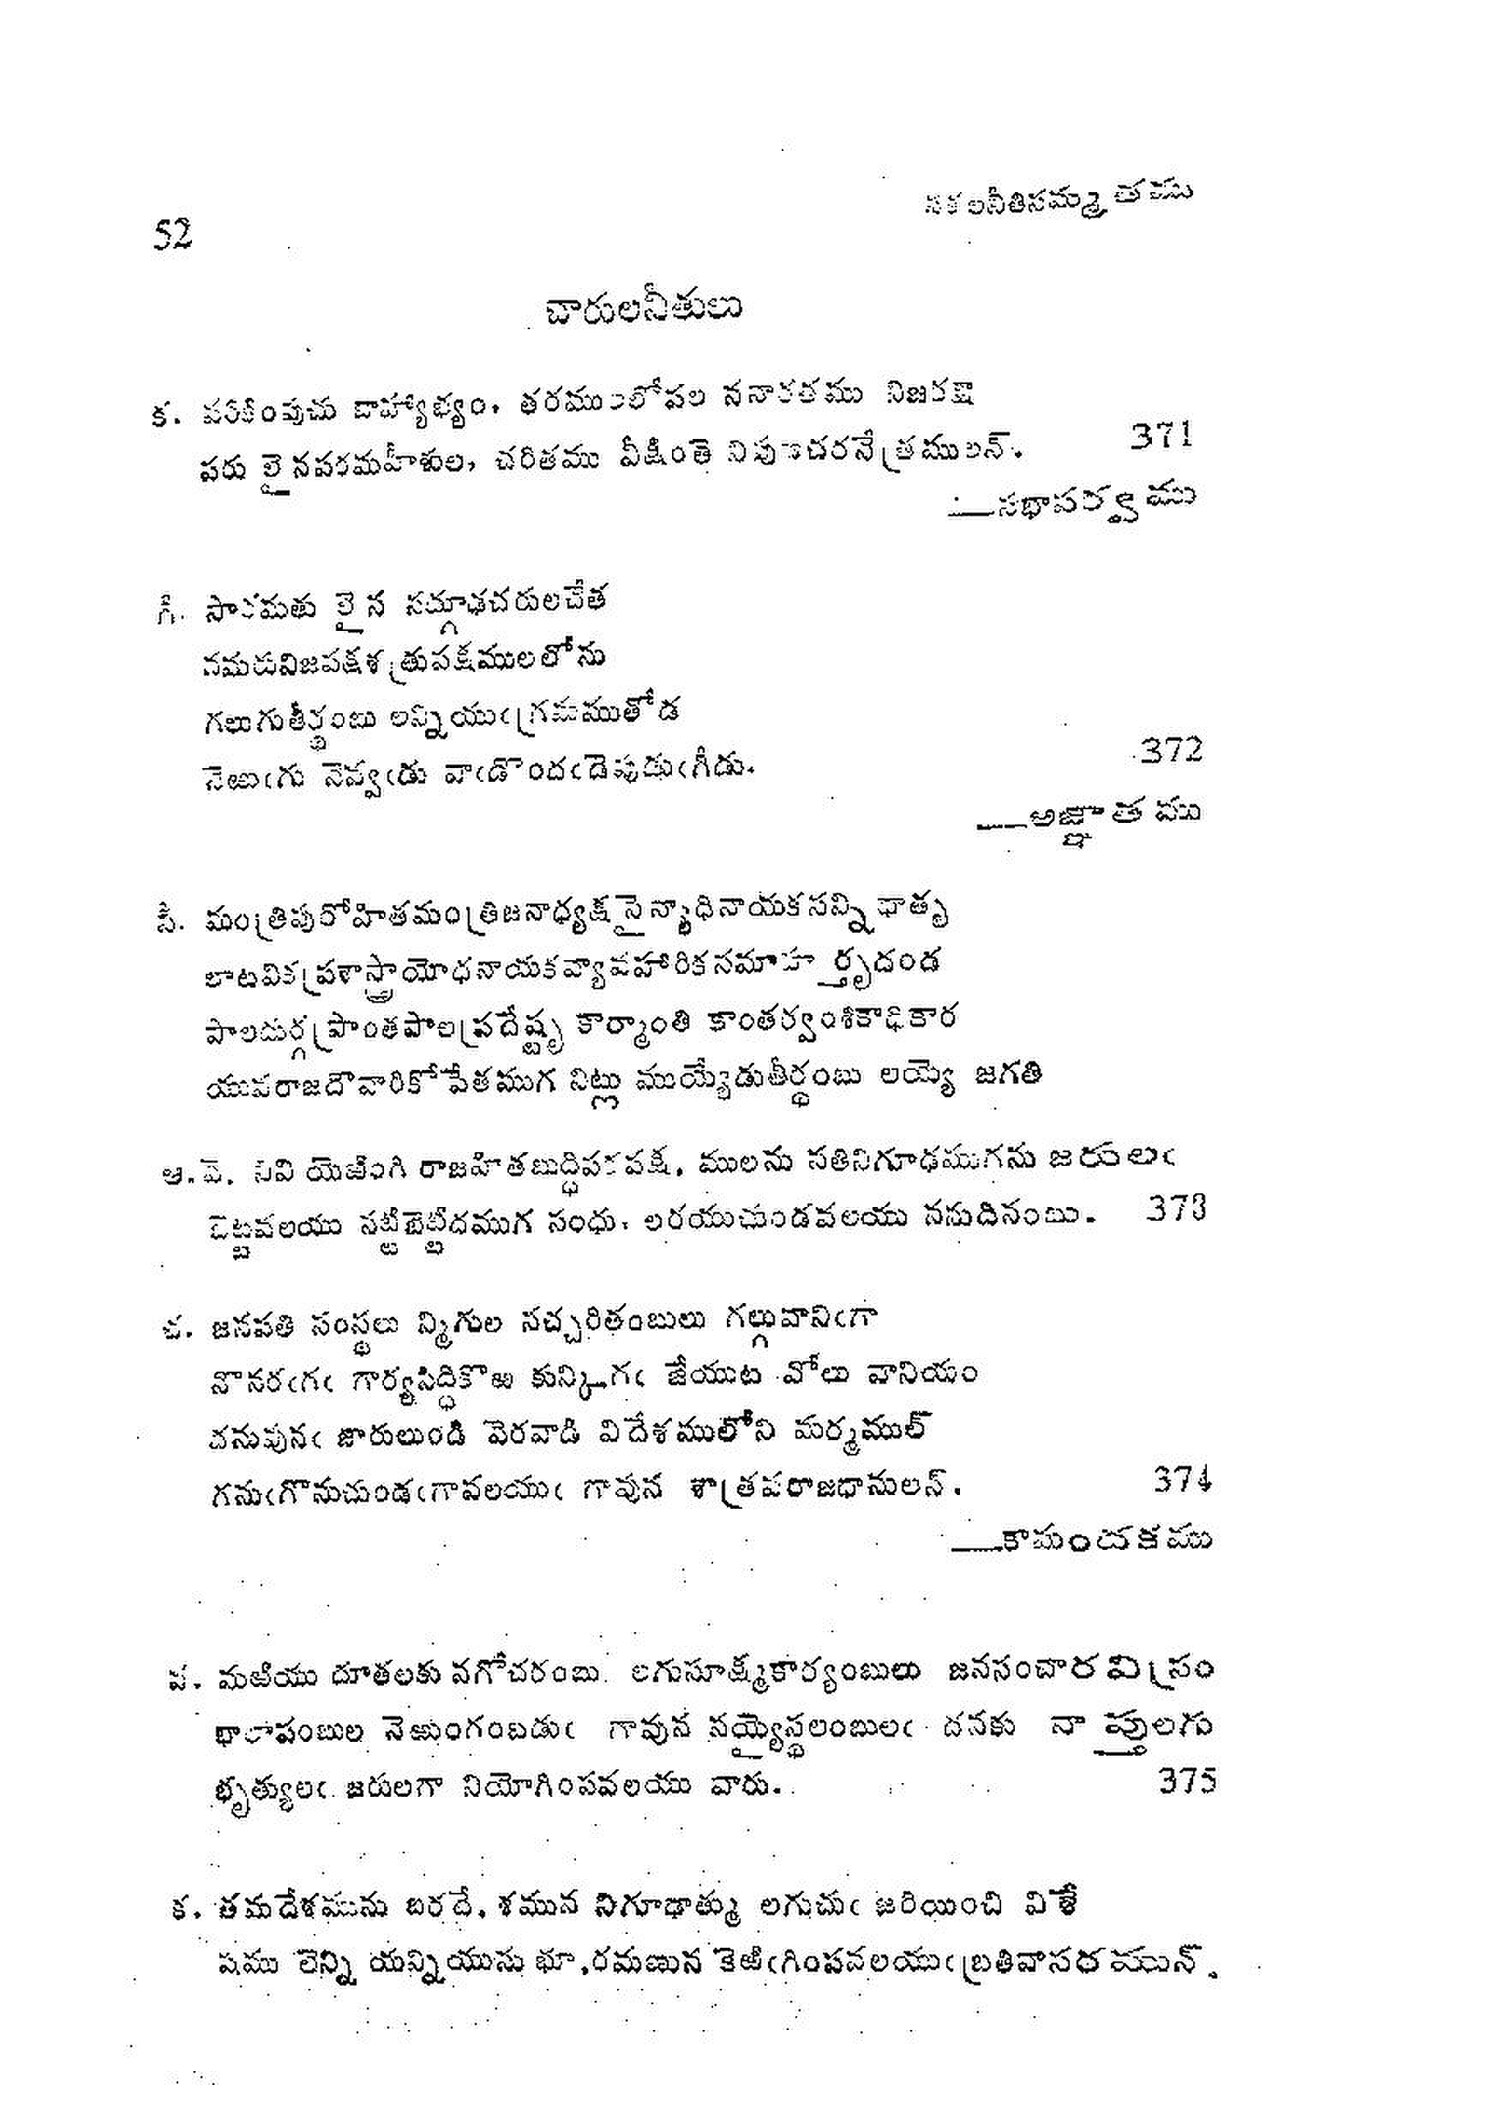క. పరికింపుచు బాహ్యాభ్యం
తరములలోపల ననారతము నిజరక్షా
పరులైన పరిమహీశుల
చరితము వీక్షింతె నిపుణచరనేత్రములన్. 371

గీ. సారమతు లైన సద్గూఢచరులచేత
నమరునిజపక్షశత్రుపక్షములలోను
గలుగుతీర్థంబు లన్నియుఁ గ్రమముతోడ
నెఱుఁగు నెవ్వఁడు వాఁడొందఁడెపుడుఁగీడు. 372

సీ. మంత్రిపురోహితమంత్రిజనాధ్యక్ష
సైన్యాధినాయకసన్నిధాతృ
లాటవికప్రశాస్త్రాయోధనాయకవ్యావ
హారికసమాహర్తృదండ
పాలదుర్గప్రాంతపాలప్రదేష్టృకార్మాంతి
కాంతర్వంశికాధికార
యువరాజదౌవారికోపేతముగ నిట్లు
ముయ్యేడుతీర్థంబు లయ్యె జగతి
ఆ. నివి యెఱింగి రాజహితబుద్ధిపరపక్ష
ములను నతినిగూఢముగను జరులఁ
బెట్టవలయు నట్టిబెట్టిదముగ సంధు
లరయుచుండవలయు ననుదినంబు. 373

చ. జనపతి సంస్థలు న్మిగుల సచ్చరితంబులు గల్గువానిఁగా
నొనరఁగఁ గార్యసిద్ధికొఱ కున్కిగఁ జేయుట వోలు వానియం
దనువునఁ జారులుండి వెరవాడి విదేశములోని మర్మముల్
గనుఁగొనుచుండఁగావలయుఁ గావున శాత్రవరాజధానులన్. 374

వ. మఱియు దూతలకు నగోచరంబు లగు సూక్ష్మకార్యంబులు జనసంచారవిస్రంభాలాపంబుల నెఱుంగంబడుఁ గావున నయ్యైస్థలంబులఁ దనకు నాప్తులగు భృత్యులఁ జరులుగా నియోగింపవలయు వారు. 375

క. తమదేశమును బరదే
శమున నిగూఢాత్ము లగుచుఁ జరియించి విశే
షము లెన్నియును భూ
పమణున కెఱిఁగింపవలయుఁ బ్రతివాసరమున్. 376